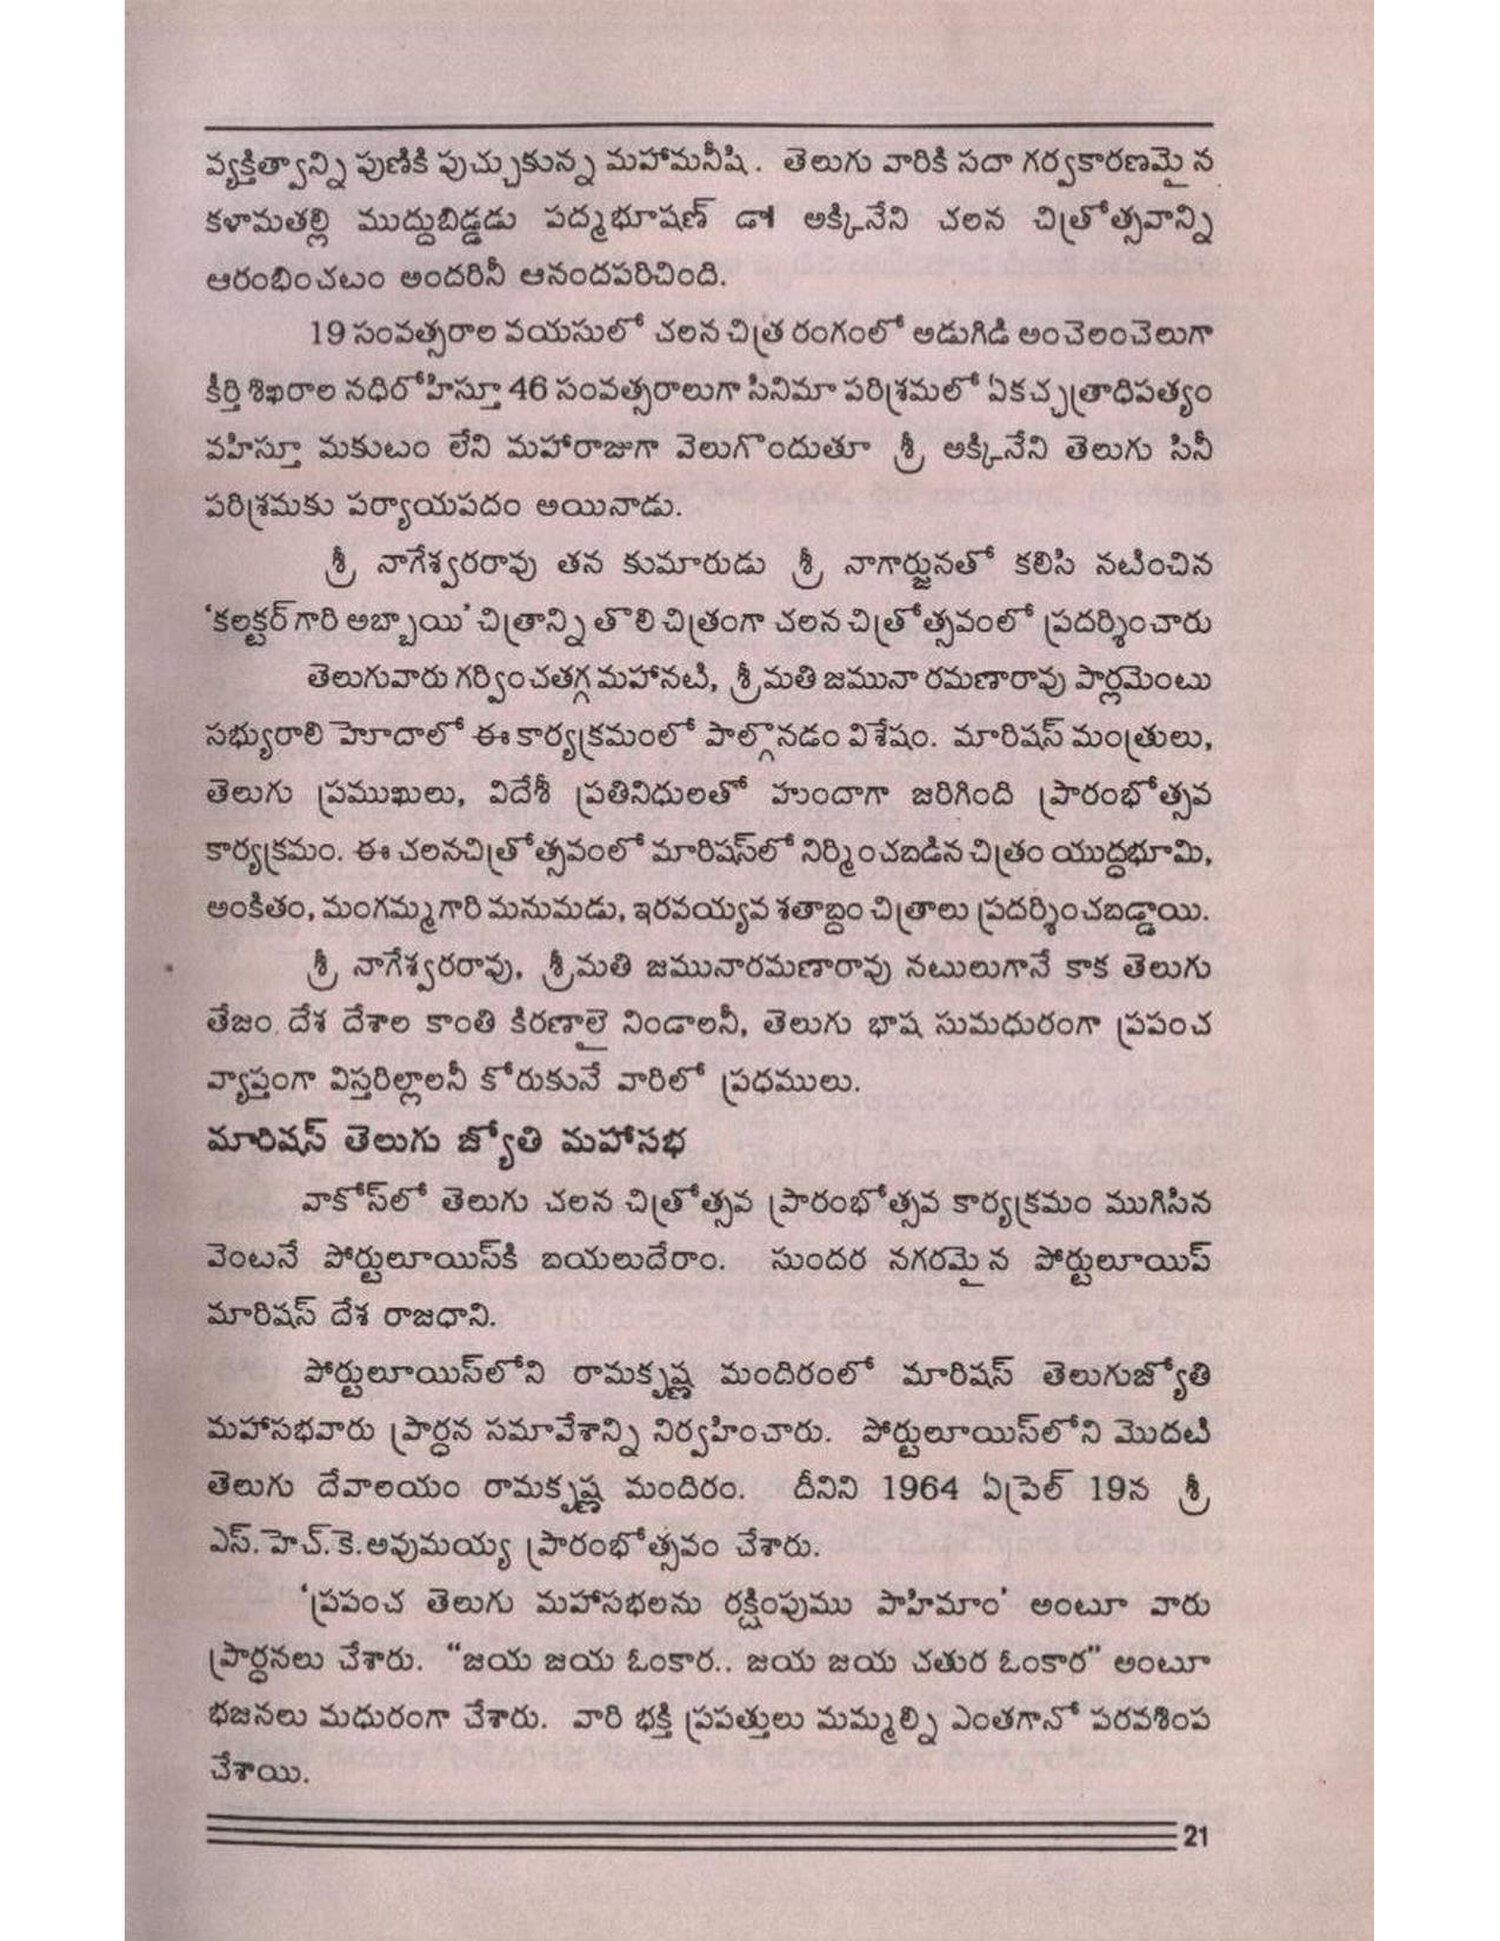వ్యక్తిత్వాన్ని పుణికి పుచ్చుకున్న మహామనీషి. తెలుగు వారికి సదా గర్వకారణమైన కళామతల్లి ముద్దుబిడ్డడు పద్మభూషణ్ డా॥ అక్కినేని చలన చిత్రోత్సవాన్ని ఆరంభించటం అందరినీ ఆనందపరిచింది.

19 సంవత్సరాల వయసులో చలన చిత్ర రంగంలో అడుగిడి అంచెలంచెలుగా కీర్తి శిఖరాల నధిరోహిస్తూ 46 సంవత్సరాలుగా సినిమా పరిశ్రమలో ఏకచ్ఛత్రాధిపత్యం వహిస్తూ మకుటం లేని మహారాజుగా వెలుగొందుతూ అక్కినేని తెలుగు సినీ పరిశ్రమకు పర్యాయపదం అయినాడు.

శ్రీ నాగేశ్వరరావు తన కుమారుడు శ్రీ నాగార్జునతో కలిసి నటించిన 'కలక్టర్ గారి అబ్బాయి' చిత్రాన్ని తొలి చిత్రంగా చలనచిత్రోత్సవంలో ప్రదర్శించారు

తెలుగువారు గర్వించతగ్గ మహానటి, శ్రీమతి జమునా రమణారావు పార్లమెంటు సభ్యురాలి హెూదాలో ఈ కార్యక్రమంలో పాల్గొనడం విశేషం. మారిషస్ మంత్రులు, తెలుగు ప్రముఖులు, విదేశీ ప్రతినిధులతో హుందాగా జరిగింది ప్రారంభోత్సవ కార్యక్రమం. ఈ చలనచిత్రోత్సవంలో మారిషస్‌లో నిర్మించబడిన చిత్రం యుద్ధభూమి, అంకితం, మంగమ్మగారి మనుమడు, ఇరవయ్యవ శతాబ్దం చిత్రాలు ప్రదర్శించబడ్డాయి.

శ్రీ నాగేశ్వరరావు, శ్రీమతి జమునా రమణారావు నటులుగానే కాక తెలుగు తేజం దేశ దేశాల కాంతి కిరణాలై నిండాలనీ, తెలుగు భాష సుమధురంగా ప్రపంచ వ్యాప్తంగా విస్తరిల్లాలనీ కోరుకునే వారిలో ప్రధములు. 

మారిషస్ తెలుగు జ్యోతి మహాసభ

వాకోస్ లో తెలుగు చలన చిత్రోత్సవ ప్రారంభోత్సవ కార్యక్రమం ముగిసిన వెంటనే పోర్టులూయిస్‌కి బయలుదేరాం. సుందర నగరమైన పోర్టులూయిస్ మారిషస్ దేశ రాజదాని.

పోర్టులూయిస్‌లోని రామకృష్ణ మందిరంలో మారిషస్ తెలుగుజ్యోతి మహాసభవారు ప్రార్ధన సమావేశాన్ని నిర్వహించారు. పోర్టులూయిస్‌లోని మొదటి తెలుగు దేవాలయం రామకృష్ణ మందిరం. దీనిని 1964 ఏప్రెల్ 19న శ్రీ ఎస్.హెచ్.కె.అవుమయ్య ప్రారంభోత్సవం చేశారు.

"ప్రపంచ తెలుగు మహాసభలను రక్షింపుము పాహిమాం' అంటూ వారు ప్రార్ధనలు చేశారు.-"జయ జయ ఓంకార.. జయ జయ చతుర ఓంకార" అంటూ భజనలు మధురంగా చేశారు. వారి భక్తి ప్రపత్తులు మమ్మల్ని ఎంతగానో పరవశింప చేశాయి.